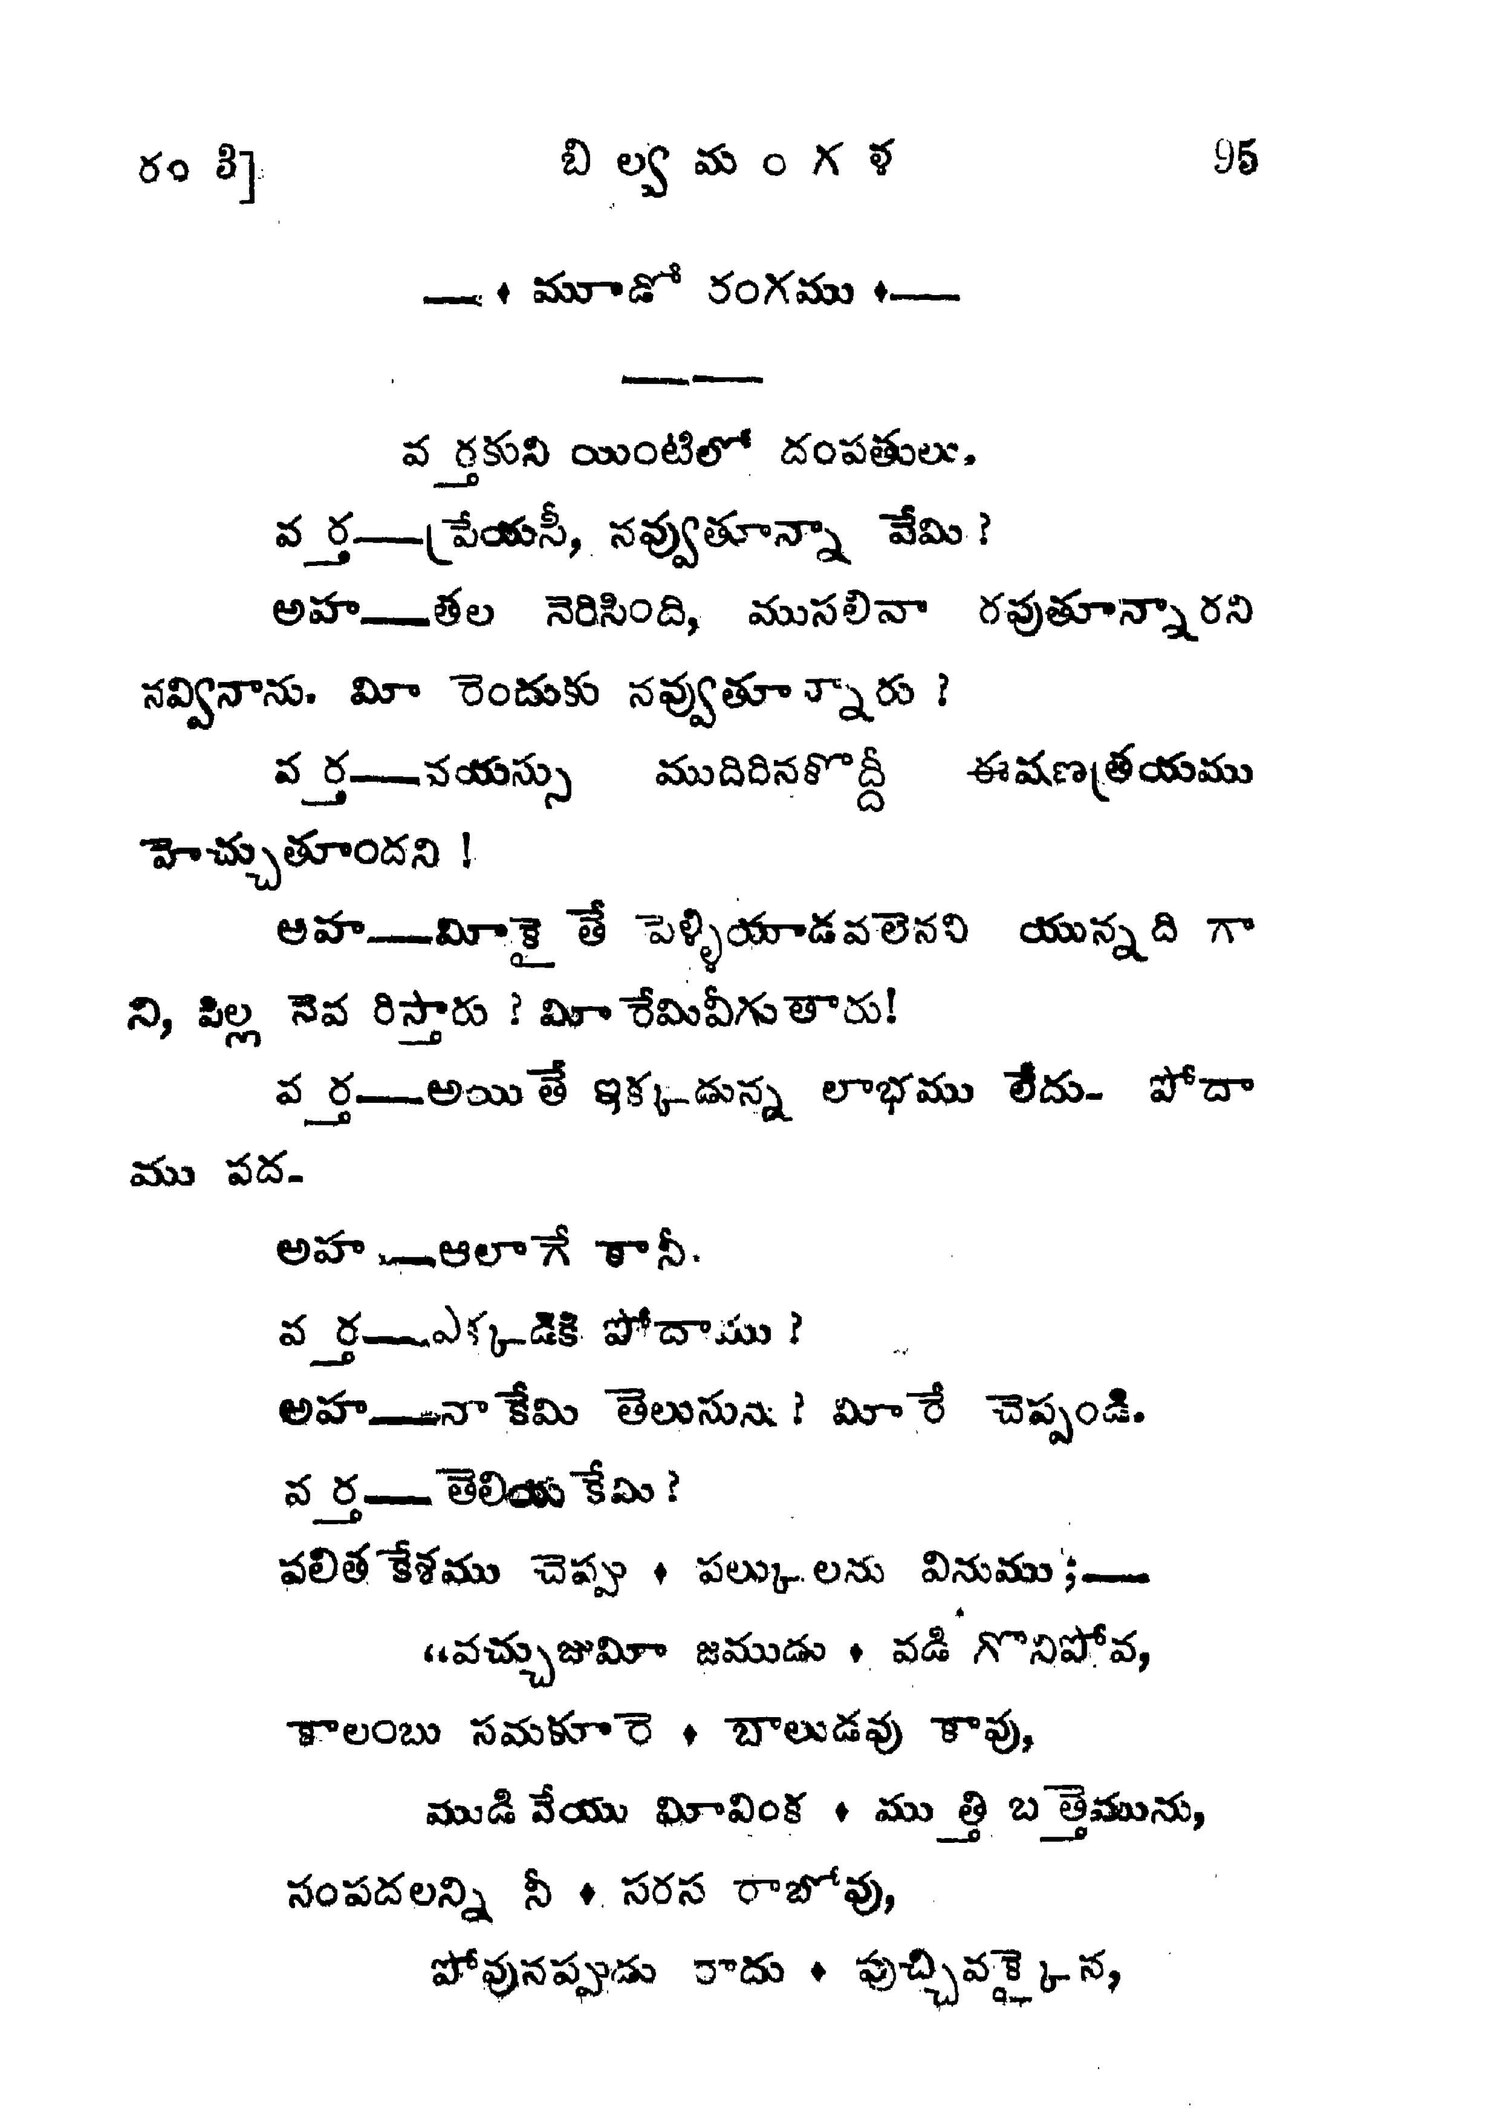వర్త - ప్రేయసీ, నవ్వుతూన్నా వేమి?

అహ - తల నెరిసింది, ముసలివా రవుతూన్నారని నవ్వినాను. మీ రెందుకు నవ్వుతూన్నారు?

వర్త - వయస్సు ముదిరినకొద్దీ ఈషణత్రయము హెచ్చుతూందని !

అహ - మీకై తే పెళ్ళియాడవలెనని యున్నది గాని, పిల్ల నెవ రిస్తారు ? మీ రేమివీగుతారు!

వర్త - అయితే ఇక్కడున్న లాభము లేదు - పోదాము పద.

అహ - ఆలాగే కానీ.

వర్త - ఎక్కడికి పోదాము?

అహ - నాకేమి తెలుసును? మీరే చెప్పండి.

వర్త - తెలియ కేమి?

 వలితకేశము చెప్పు ♦ పల్కులను వినుము; -
 "వచ్చుజుమీ జముడు ♦ వడి గొనిపోవ,
 కాలంబు సమకూరె ♦ బాలుడవు కావు,
 ముడివేయు మీవింక ♦ ముత్తి బత్తెమును,
 సంపదలన్ని నీ ♦ సరస రాబోవు,
 పోవునప్పుడు రాదు ♦ పుచ్చివక్కైన,